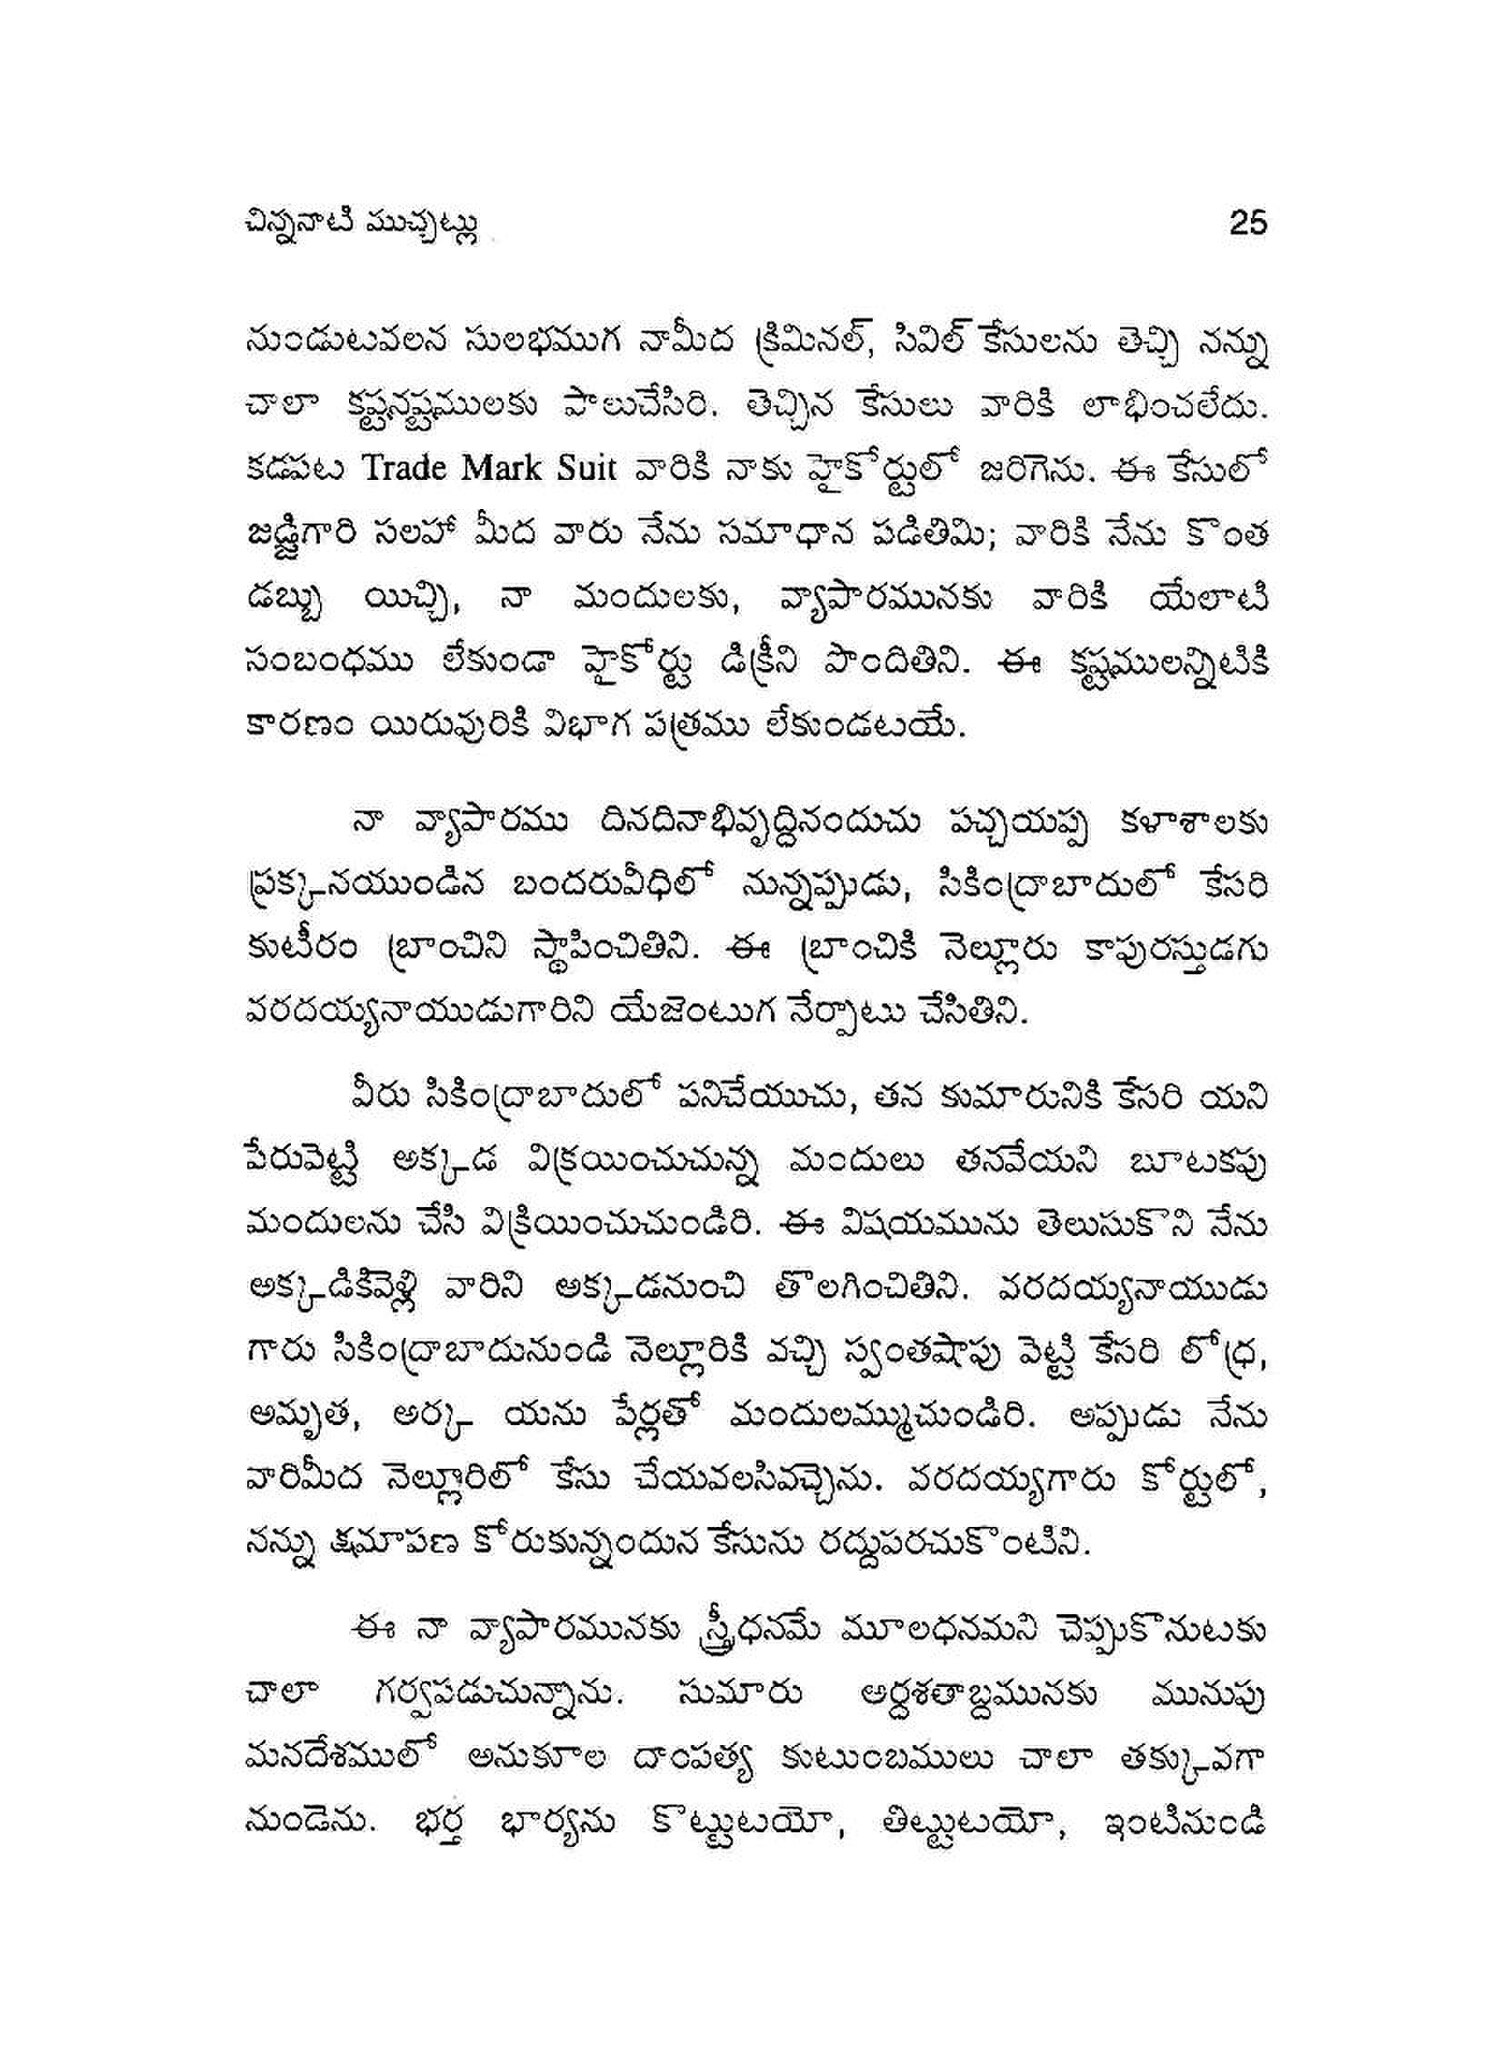నుండుటవలన సులభముగ నామీద క్రిమినల్, సివిల్ కేసులను తెచ్చి నన్ను చాలా కష్టనష్టములకు పాలుచేసిరి. తెచ్చిన కేసులు వారికి లాభించలేదు. కడపట Trade Mark Suit వారికి నాకు హైకోర్టులో జరిగెను. ఈ కేసులో జడ్డిగారి సలహా మీద వారు నేను సమాధాన పడితిమి; వారికి నేను కొంత డబ్బు యిచ్చి, నా మందులకు, వ్యాపారమునకు వారికి యేలాటి సంబంధము లేకుండా హైకోర్టు డిక్రీని పొందితిని. ఈ కష్టములన్నిటికి కారణం యిరువురికి విభాగ పత్రము లేకుండటయే.

నా వ్యాపారము దినదినాభివృద్దినందుచు పచ్చయప్ప కళాశాలకు ప్రక్కనయుండిన బందరువీధిలో నున్నప్పడు, సికింద్రాబాదులో కేసరి కుటీరం బ్రాంచిని స్థాపించితిని. ఈ బ్రాంచికి నెల్లూరు కాపురస్తుడగు వరదయ్య నాయుడు గారిని యేజెంటుగ నేర్పాటు చేసితిని.

వీరు సికింద్రాబాదులో పనిచేయుచు, తన కుమారునికి కేసరి యని పేరుపెట్టి అక్కడ విక్రయించుచున్న మందులు తనవేయని బూటకపు మందులను చేసి విక్రియించుచుండిరి. ఈ విషయమును తెలుసుకొని నేను అక్కడికివెళ్లి వారిని అక్కడనుంచి తొలగించితిని, వరదయ్యనాయుడు గారు సికింద్రాబాదునుండి నెల్లూరికి వచ్చి స్వంతషాపు పెట్టి కేసరి లోధ్ర, అమృత, అర్క యను పేర్లతో మందులమ్ముచుండిరి. అప్పడు నేను వారిమీద నెల్లూరిలో కేసు చేయవలసివచ్చెను. వరదయ్యగారు కోర్టులో, నన్ను క్షమాపణ కోరుకున్నందున కేసును రద్దుపరచుకొంటిని.

ఈ నా వ్యాపారమునకు స్త్రీధనమే మూలధనమని చెప్పుకొనుటకు చాలా గర్వపడుచున్నాను. సుమారు అర్ధశతాబ్దమునకు మునుపు మనదేశములో అనుకూల దాంపత్య కుటుంబములు చాలా తక్కువగా నుండెను. భర్త భార్యను కొట్టుటయో, తిట్టుటయో, ఇంటినుండి